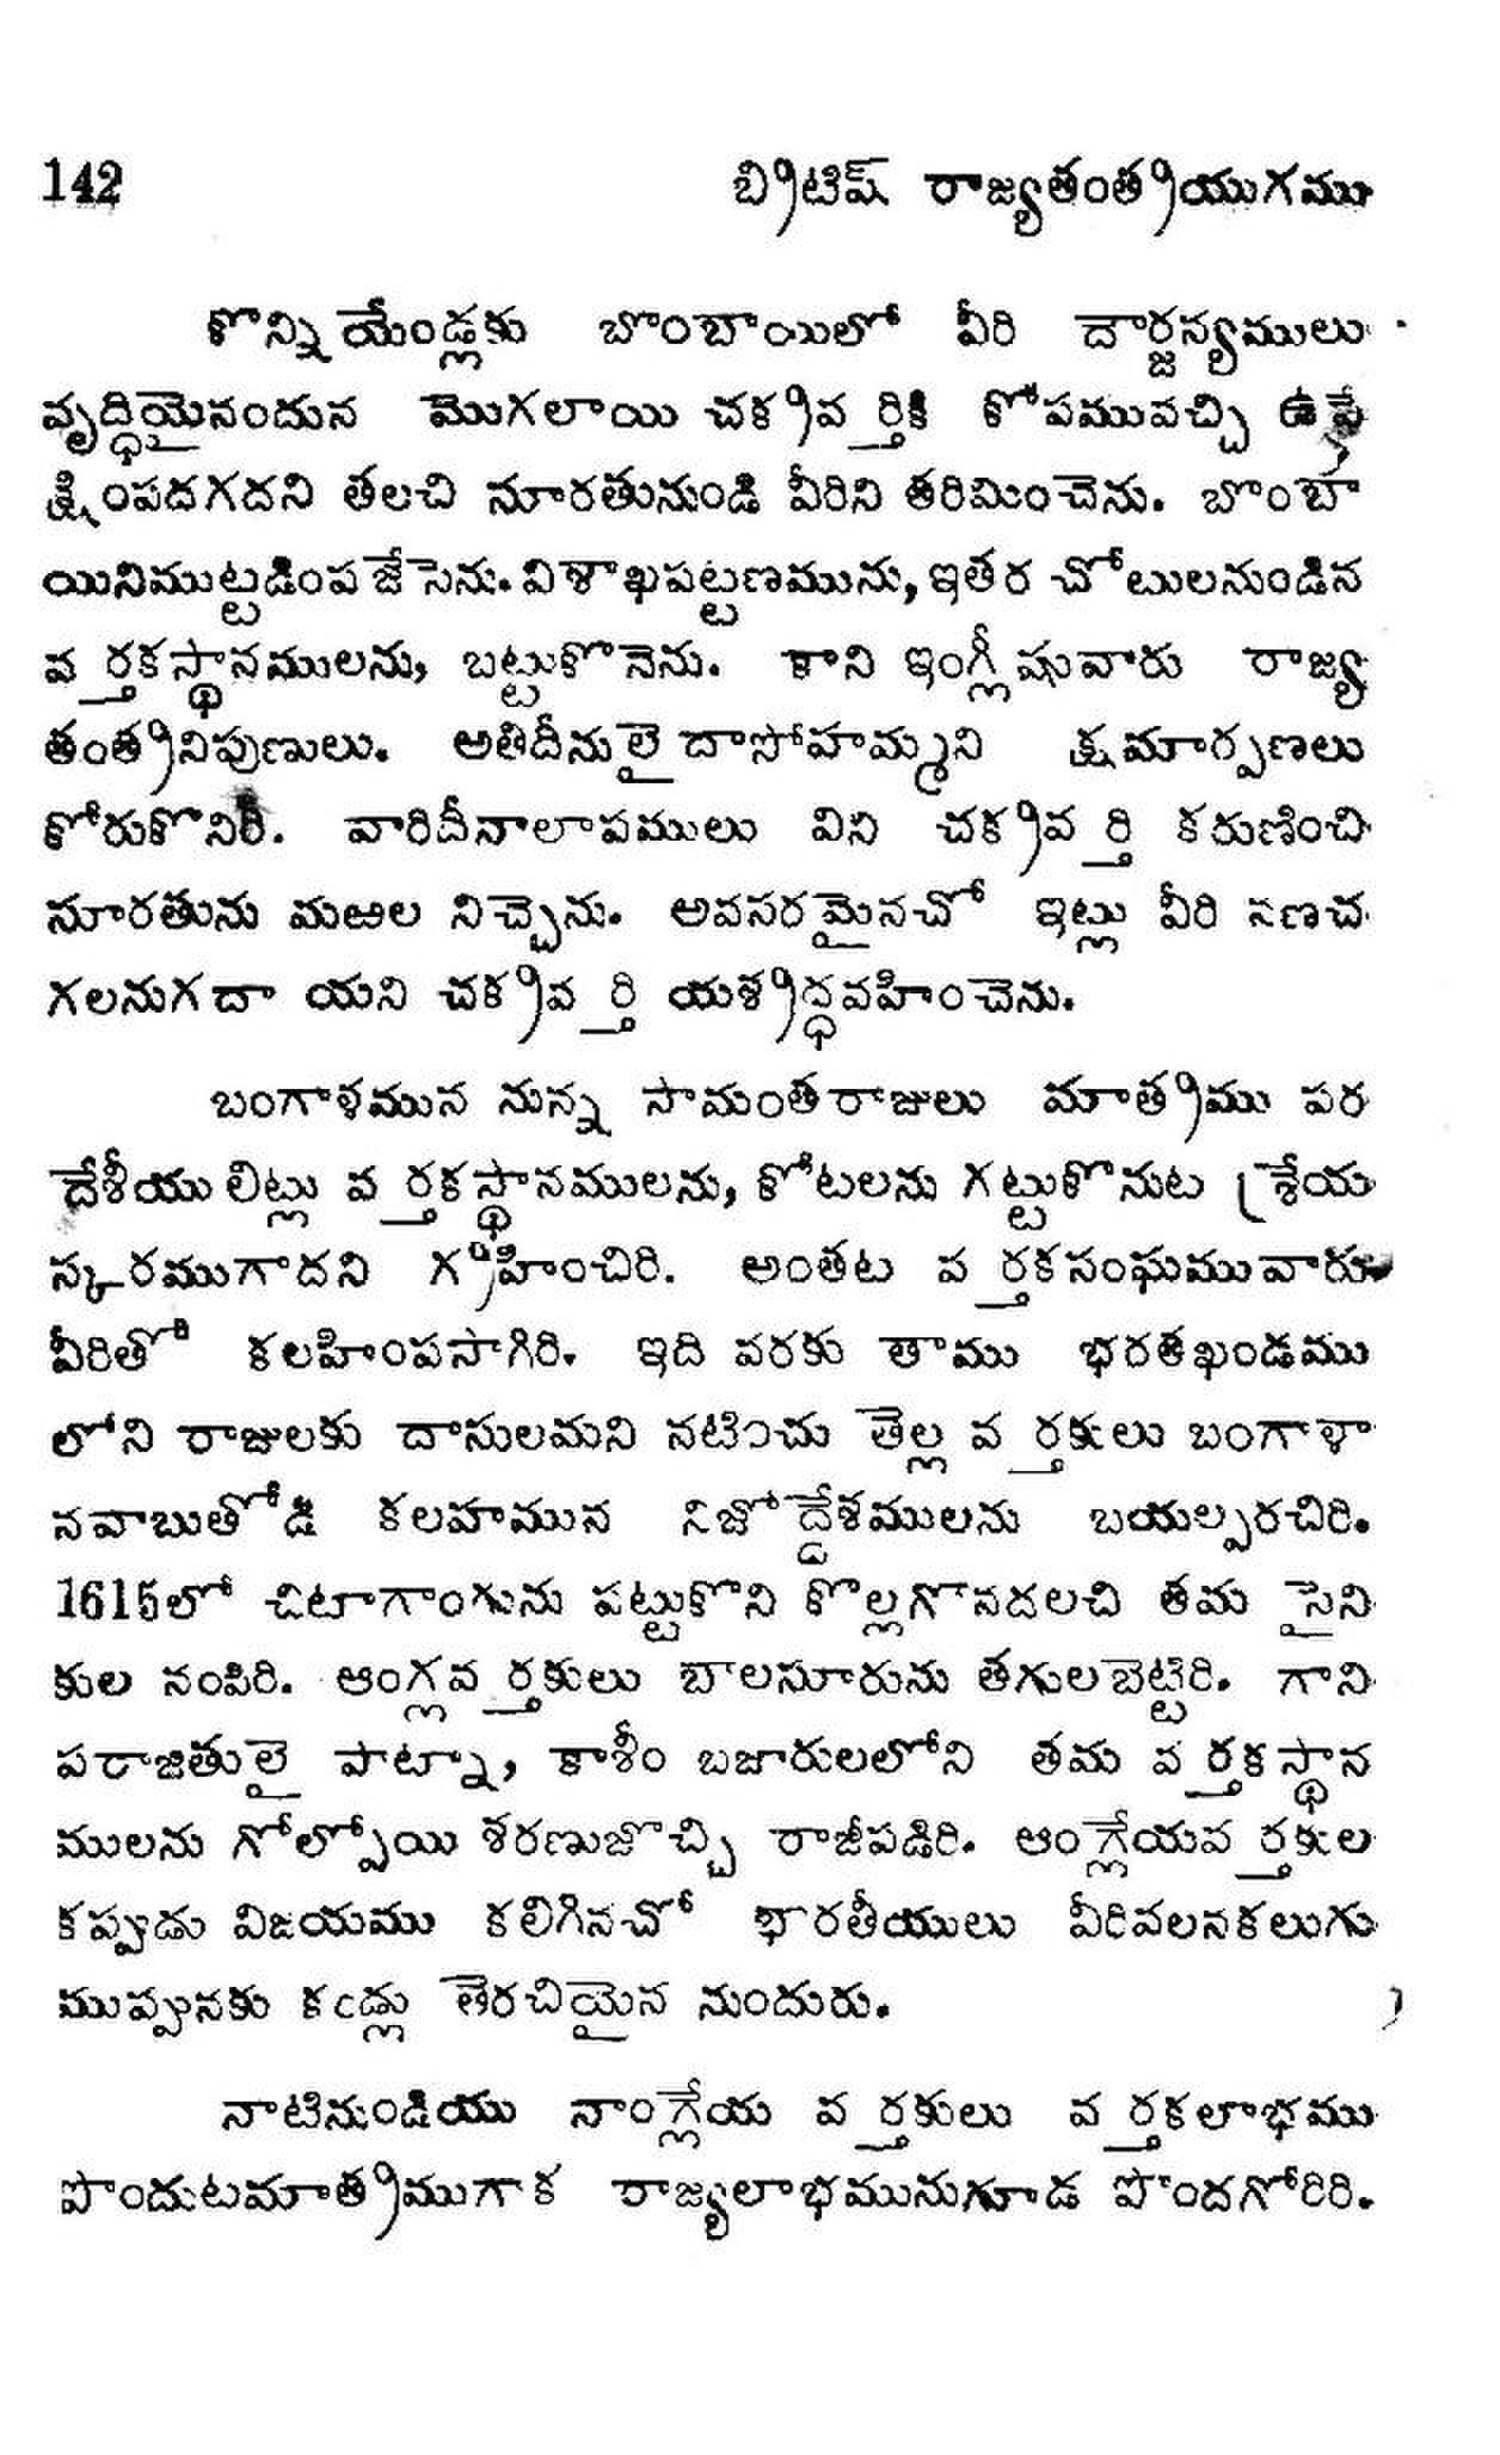కొన్నియేండ్లకు బొంబాయిలో వీరి దౌర్జన్యములు వృద్దియైనందున మొగలాయి చక్రవర్తికి కోపమువచ్చి ఉపేక్షింపదగదని తలచి సూరతునుండి వీరిని తరిమించెను. బొంబాయినిముట్టడింపజేసెను. విశాఖపట్టణమును, ఇతర చోటులనుండిన వర్తకస్థానములను, బట్టుకొనెను. కాని ఇంగ్లీషువారు రాజ్యతంత్రనిపుణులు. అతిదీనులై దాసోహమ్మని క్షమార్పణలు కోరుకొనిరి. వారిదీనాలాపములు విని చక్రవర్తి కరుణించి సూరతును మఱల నిచ్చెను. అవసరమైనచో ఇట్లు వీరి నణచగలనుగదా యని చక్రవర్తి యశ్రద్ధవహించెను. 

బంగాళమున నున్న సామంతరాజులు మాత్రము పరదేశీయులిట్లు వర్తకస్థానములను, కోటలను గట్టుకొనుట శ్రేయస్కరముగాదని గ్రహించిరి. అంతట వర్తక సంఘమువారు వీరితో కలహింపసాగిరి. ఇది వరకు తాము భరతఖండములోని రాజులకు దాసులమని నటించు తెల్ల వర్తకులు బంగాళా నవాబుతోడి కలహమున నిజోద్దేశములను బయల్పరచిరి. 1615లో చిటాగాంగును పట్టుకొని కొల్లగొనదలచి తమ సైనికుల నంపిరి. ఆంగ్లవర్తకులు బాలసూరును తగులబెట్టిరి. గాని పరాజితులై పాట్నా, కాశీం బజారులలోని తమ వర్తకస్థానములను గోల్పోయి శరణుజొచ్చి రాజీపడిరి. ఆంగ్లేయవర్తకుల కప్పుడు విజయము కలిగినచో భారతీయులు వీరివలనకలుగు ముప్పునకు కండ్లు తెరచియైన నుందురు.

నాటినుండియు నాంగ్లేయ వర్తకులు వర్తకలాభము పొందుటమాత్రముగాక రాజ్యలాభమునుగూడ పొందగోరిరి.